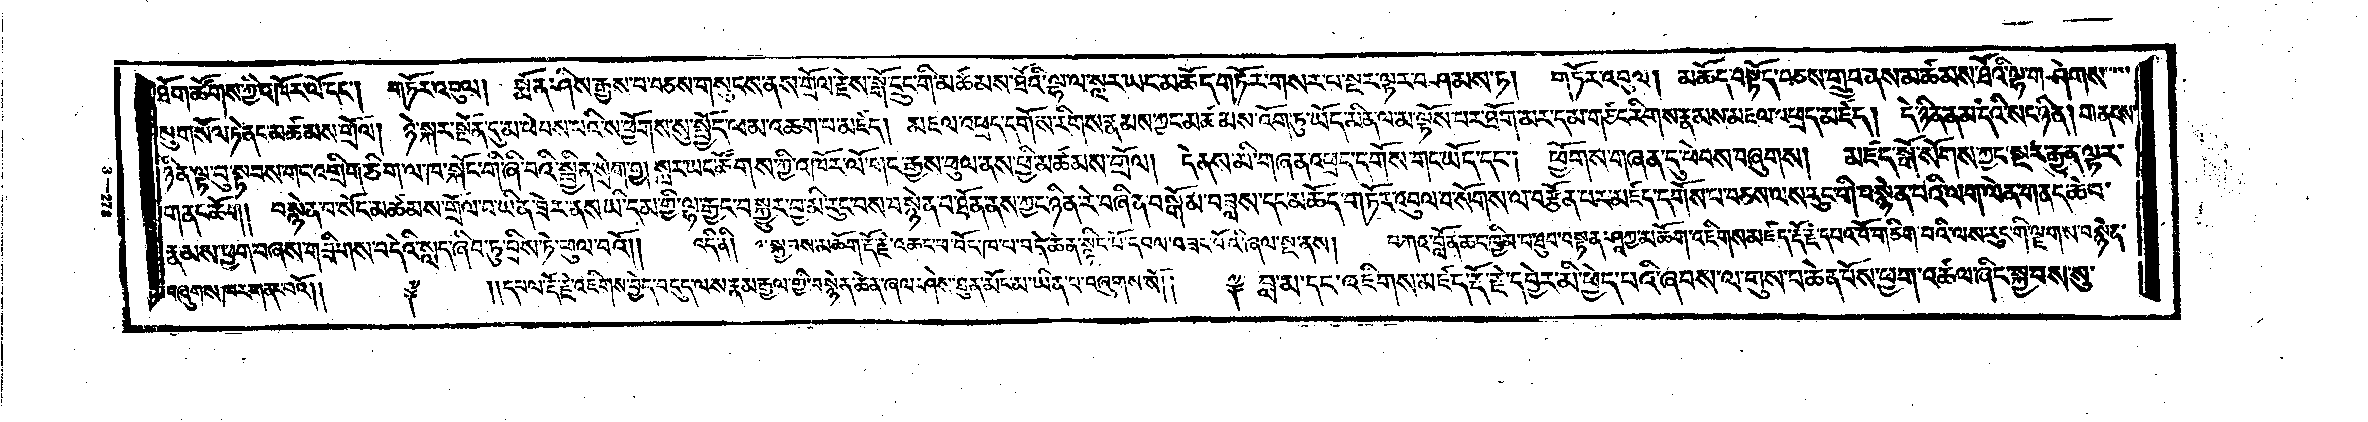ཐོག་ཚོགས་ཀྱི་འཁོར་ལོ་དང་། གཏོར་འབུལ། སྨོན་ཤིས་རྒྱས་བ་བཅས་གསུངས་ནས་གྲོལ་རྗེས་སྒོ་དྲུང་གི་མཚམས་ཐོའི་ལྷ་ལ་སླར་ཡང་མཆོད་གཏོར་གསར་པ་སྔར་ལྟར་བཤམས་ཏ། གཏོར་འབུལ། མཆོད་བསྟོད་བཅས་གྲུབ་ནས་མཚམས་ཐོའི་ལྷ་གཤེགས་
སུ་གསོལ་ཏེ་ནང་མཚམས་གྲོལ། ཉེ་སྐར་སྔོན་དུ་མ་ཕེབས་པའི་ས་ཕྱོགས་སུ་སྤྱོད་ཕམ་འཆག་པ་མཛད། མཇལ་འཕྲད་དགོས་རིགས་རྣམས་ཀྱང་མཚམས་འོག་ཏུ་ཡོད་མིན་ལ་མ་ལྟོས་པར་ཐོག་མར་དམ་གཙང་རིགས་རྣམས་མཇལ་འཕྲད་མཛད། དེ་ཉིན་ནམ་དེའི་སང་ཉིན། གནང་ས་
ཉིན་ལྟ་བུ་སྟབས་གང་འགྲིག་ཅིག་ལ་ཁ་སྐོང་གི་ཞི་བའི་སྦྱིན་སྲེག་བྱ། སླར་ཡང་ཚོགས་ཀྱི་འཁོར་ལོ་གང་རྒྱས་ཕུལ་ནས་ཕྱི་མཚམས་གྲོལ། དེ་ནས་མི་གཞན་འཕྲད་དགོས་གང་ཡོད་དང་། ཕྱོགས་གཞན་དུ་ཕེབས་བཞུགས། མཛད་སྒོ་སོགས་ཀྱང་སྔར་རྒྱུན་ལྟར་
གནང་ཆོག ། བསྙེན་པ་སོང་མཚམས་གྲོལ་བ་ཡིན་ཟེར་ནས་ཡི་དམ་གྱི་ལྟ་རྒྱང་བསྐྱུར་བྱ་མི་རུང་བས་བསྙེན་བ་ཐོན་ནས་ཀྱང་ཉིན་རེ་བཞིན་བསྒོམ་བཟླས་དང་མཆོག་གཏོར་འབུལ་བ་སོགས་ལ་བརྩོན་པར་མཛད་དགོས་པ་བཅས་ལས་རུང་གི་བསྙེན་པའི་ལག་ལེན་གནང་ཆེ་བ་
རྣམས་ཕྱག་བཞས་གཟིགས་བདེའི་སླད་ཞིབ་ཏུ་བྲིས་ཏེ་ཕུལ་བའོ།། འདི་ནི། ༧སྐྱབས་མཆོག་རྡོ་རྗེ་འཆང་ཕ་བོང་ཁ་པ་བདེ་ཆེན་སྙིང་པོ་དཔལ་བཟང་པོའི་ཞལ་སྔ་ནས། བཀའ་བློན་ཆང་ཁྱིམ་པ་ཐུབ་བསྟན་ཤཱཀྱ་མཆོག་འཇིགས་མཛད་རྡོ་རྗེ་དཔའ་བོ་གཅིག་པའི་ལས་རུང་གི་ལྗགས་བསྙེན་
ཞུགས་ཁར་གནང་བའོ།། ༈ །།དཔལ་རྡོ་རྗེ་འཇིགས་བྱེད་བདུད་ལས་རྣམ་རྒྱལ་གྱི་བསྙེན་ཆེན་ཞལ་ཤེས་ཐུན་མོང་མ་ཡིན་པ་བཞུགས་སོ།། ༈ བླ་མ་དང་འཇིགས་མཛད་རྡོ་རྗེ་དབྱེར་མི་ཕྱེད་པའི་ཞབས་ལ་གུས་བ་ཆེན་པོས་ཕྱག་འཚལ་ཞིང་སྐྱབས་སུ་